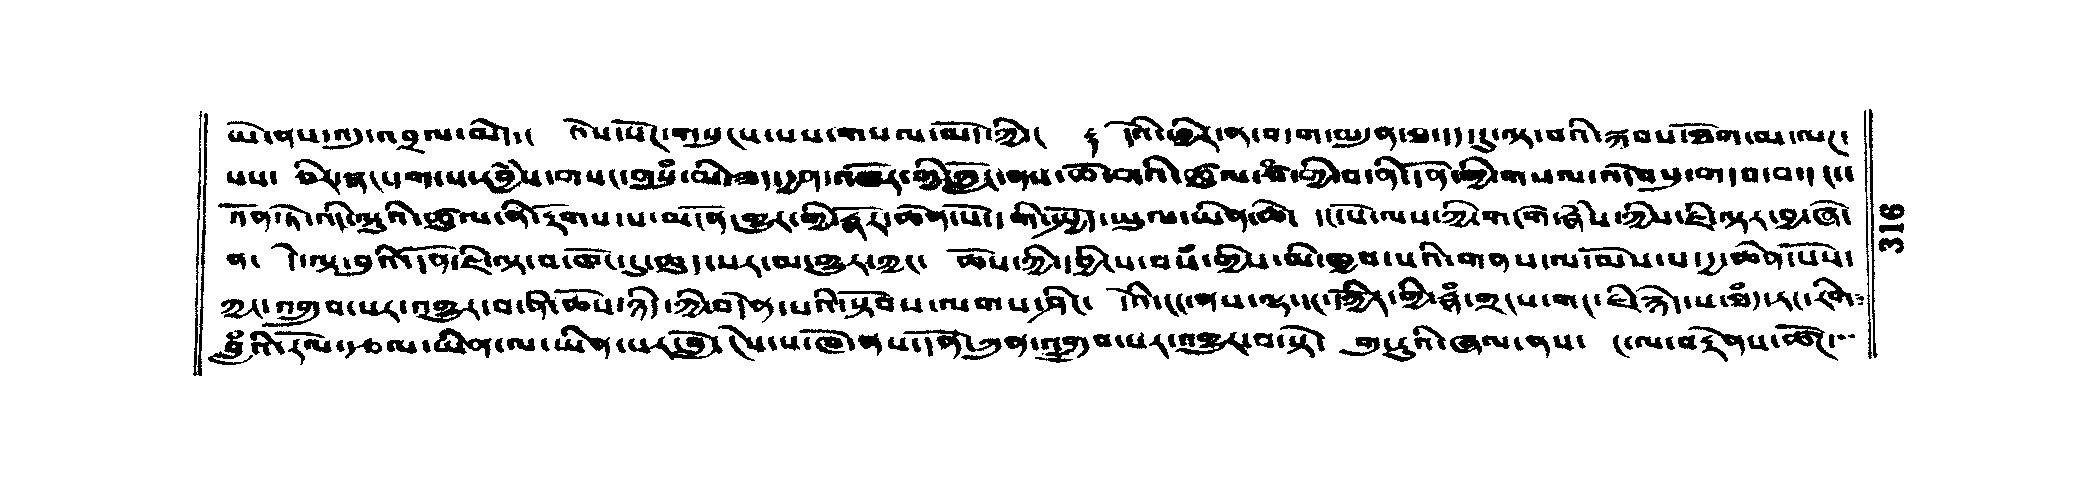ཡེ་ནས་འདུ་འབྲལ་མེད། །ཅེས་སོགས་གསུངས་པས་གསལ་མོད་ཀྱི། ། ༈ དེའི་ཕྱིར་ན་བདག་མདུན་ཐ་དད་དུ་ལྟ་བའི་སྐབས་ཐོག་མ་ལགས་
པས། ཅིར་སྣང་དག་པ་རབ་འབྱམས་གསང་གསུམ་མི་ཟད་རྒྱན་འཁོར་གྱི་ཀློང་ནས་ཆོ་གའི་ཚུལ་ཙམ་གྱི་གསལ་འདེབས་སུ་གདབ་པ་དང་། 
འོན་ཏེ་འདི་ལྟ་བུའི་ཚུལ་ནི་རྟོགས་པ་མངོན་གྱུར་གྱི་རྣལ་འབྱོར་ཆེན་པོ་དག་གི་སྤྱོད་ཡུལ་ཡིན་ཚེ། དང་པོ་ལས་ཀྱི་གདམས་ངག་རྣམས་ཀྱིས་ཇི་ལྟར་བྱ་ཞེ་
ན། དེ་ལྟ་བུའི་དོན་ཇི་ལྟ་བ་ཁོང་དུ་ཆུད་པར་མ་གྱུར་ཀྱང་། ཆོས་ཀྱི་དབྱིངས་བསམ་གྱིས་མི་ཁྱབ་པའི་གནས་ལ་མོས་པ་རྒྱ་ཆེན་པོས་
ཀྱང་འགྲུབ་པར་གྱུར་བ་ནི་ཆོས་ཉིད་ཀྱི་བདེན་པའི་སྟོབས་ལགས་ཤིང་། དེའི་ངང་ནས་ལྷ་དང་དཀྱིལ་འཁོར་གྱི་རྣམ་གྲངས་གང་ཇི་སྙེད་པ་ཐམས་ཅད་རང་རིག་
བླ་མའི་རོལ་རྩལ་ཡིན་ལ་ཡིན་པར་བློ་ངེས་པ་ཁོ་ནས་དོན་ཀུན་འགྲུབ་པར་འགྱུར་བ་སྟེ། གུ་རུའི་ཞལ་ནས། ང་ལ་བརྟེན་ནས་ཚོགས་